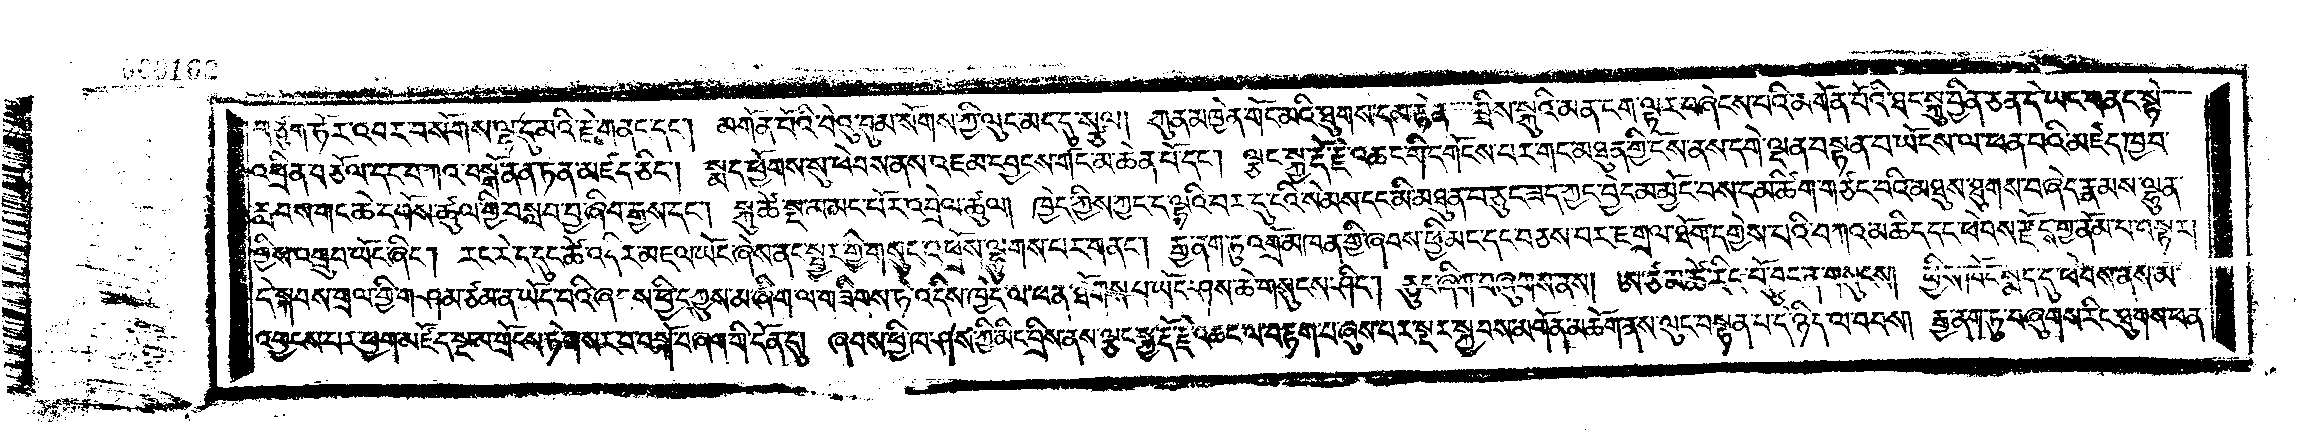གཙུག་ཏོར་འབར་བ་སོགས་ལྷ་དུ་མའི་རྗེ་གནང་དང་། མགོན་བོའི་བེའུ་བུམ་སོགས་ཀྱི་ལུང་མང་དུ་སྩལ། ཀུན་མཁྱེན་གོང་མའི་ཐུགས་དམ་རྟེན་བྲིས་སྐུའི་མན་ངག་ལྟར་བཞེངས་པའི་མགོན་པོའི་ཐང་སྐུ་བྱིན་ཅན་དེ་ཡང་གནང་སྟེ་
འཕྲིན་བཅོལ་དང་བཀའ་བསྒོ་ནན་ཏན་མཛད་ཅིང་། སྨད་ཕྱོགས་སུ་ཕེབས་ནས་འཇམ་དབྱངས་གོང་མ་ཆེན་པོ་དང་། ལྕང་སྐྱ་རྡོ་རྗེ་འཆང་གི་དགོངས་བར་གང་མཐུན་གྱི་ངོས་ནས་དགེ་ལྡན་བསྟན་པ་ཡོངས་ལ་ཕན་པའི་མཛད་ཁྱབ་
རླབས་གང་ཆེ་དགོས་ཚུལ་གྱི་བསླབ་བྱ་ཞིབ་རྒྱས་དང་། སྐུ་ཚེ་སྔ་མ་མང་པོར་འབྲེལ་ཚུལ། ཁྱེད་ཀྱིས་ཀྱང་ང་ལྟའི་བར་དུ་ངའི་སེམས་དང་མི་མཐུན་པ་ཅུང་ཟད་ཀྱང་བྱེད་མ་མྱོང་བས་དམ་ཚིག་གཙང་བའི་མཐུས་ཐུགས་བཞེད་རྣམས་ལྷུན་
གྱིས་འགྲུབ་ཡོང་ཞིང་། རང་རེ་ང་དུང་ཚེ་འདིར་མཇལ་ཡོང་ཞེས་ནང་སྦྱར་གྱི་གསུང་འཕྲོས་ལྷུགས་པར་གནང་། རྒྱ་ནག་ཏུ་འགྲོ་མཁན་གྱི་ཞབས་ཕྱི་མང་དང་བཅས་པར་ཇ་གྲལ་ཐོག་དགྱེས་པའི་བཀའ་མཆིད་དང་ཕེབས་རྫོངས་གྱ་ནོམ་པ་བསྟར།
དེ་སྐབས་གྲལ་གྱི་གཤམ་ཙམ་ན་ཡོད་པའི་ཞངས་ཕྱི་དཀྱུས་མ་ཞིག་ལ་གཟིགས་ཏེ་འདིས་ཁྱེད་ལ་ཕན་ཐོགས་པ་ཡོང་ཤས་ཆེ་གསུངས་ཤིང་། ཅུང་ཞིག་བཞུགས་ནས། ཨ་ཙ་མ་ཚེ་རིང་པོ་བྱུང་ན་གསུངས། ཕྱིས་ཁོང་སྨད་དུ་ཕེབས་ནས་མ་
འགྱངས་བར་ཕྱག་མཛོད་སྔ་མ་གྲོངས་ཏེ་གསར་བ་བསྐོ་བཞག་གི་དོན་དུ། ཞབས་ཕྱི་ཁ་ཤས་ཀྱི་མིང་བྲིས་ནས་ལྕང་སྐྱ་རྡོ་རྗེ་འཆང་ལ་བརྟག་བ་ཞུས་པར་སྔར་སྐྱབས་མགོན་མཆོག་ནས་ལུང་བསྟན་པ་དེ་ཉིད་ལ་བབས། རྒྱ་ནག་ཏུ་བཞུགས་རིང་ཐུགས་ཕན་